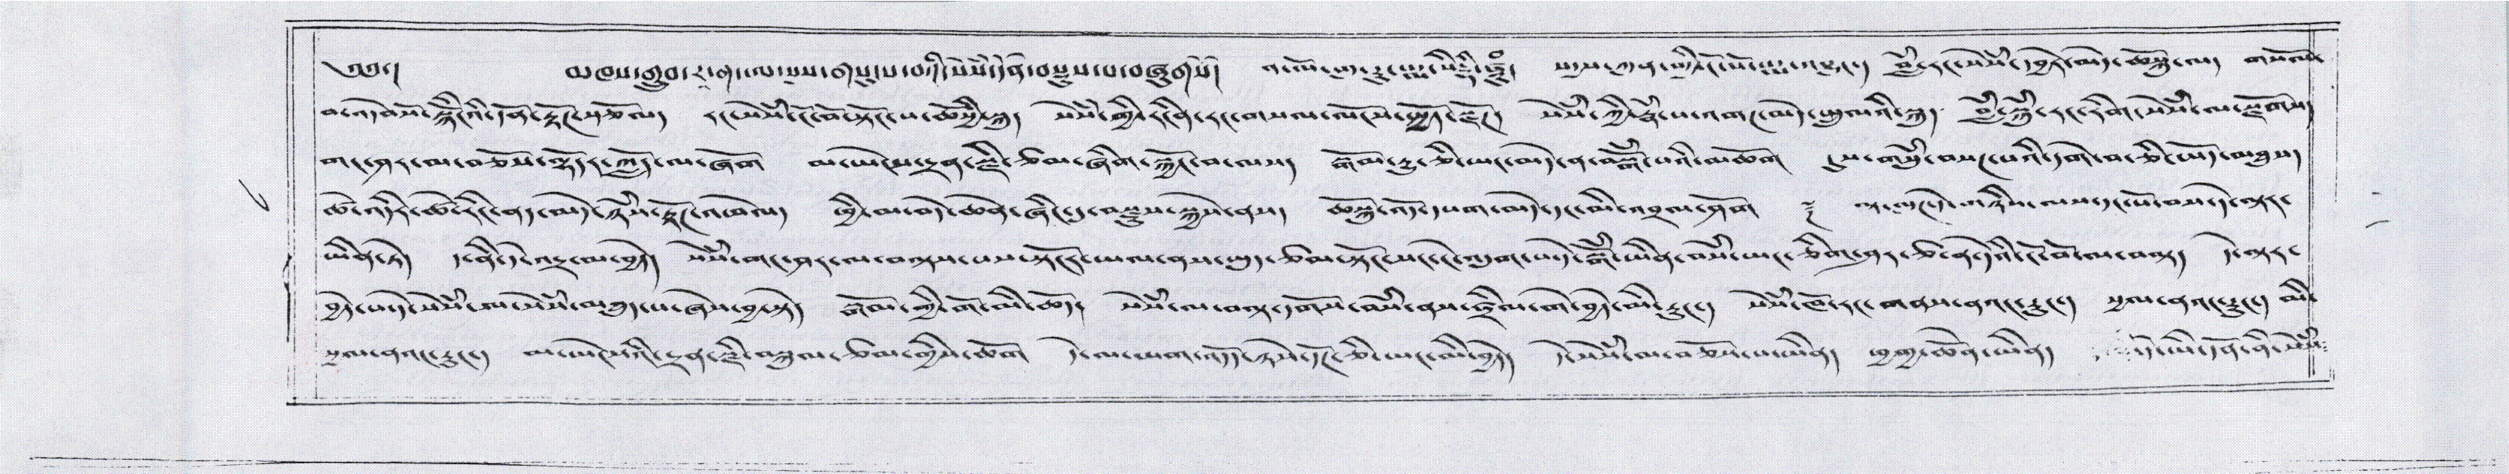མཁས་གྲུབ་རཱ་ག་ཨ་གསས་ཀྱིས་གསུངས་པའི་སེམས་དོན་བསྡུས་པ་བཞུགས་སོ། ན་མོ་གུ་རུ་པདྨ་སི་དྷི་ཧཱུཾ། སངས་རྒྱས་ཀུན་གྱི་ངོ་བོ་པདྨ་འབྱུང་། བླ་མ་རང་སེམས་དབྱེར་མེད་ཆོས་སྐུ་ལ། གསོལ་
བ་འདེབས་སོ་སྙིང་པོའི་དོན་རྟོགས་སྩོལ། རང་སེམས་ངོ་བོ་སྟོང་པ་ཆོས་ཀྱི་སྐུ། སེམས་ཀྱི་རང་བཞིན་རང་གསལ་ལོངས་སྤྱོད་རྫོགས། སེམས་ཀྱི་རྣམ་པ་འགག་མེད་སྤྲུལ་པའི་སྐུ། བླ་མ་སྐུ་གསུམ་རང་རིག་སེམས་ལ་རྫོགས། 
གང་ཤར་མ་བཅོས་ལྷོད་པར་གློད་ལ་ཞོག མ་ཡེངས་དྲན་རྫི་ཙམ་ཞིག་སྐྱོང་བ་ལས། སྒོམ་རྒྱུ་ཅི་ཡང་མེད་ན་སྒོམ་པའི་མཆོག དུས་གསུམ་བསགས་པའི་དགེ་བ་ཅི་ཡོད་མཐུས། 
ཚེ་འདིར་ཚེ་རིང་ནད་མེད་ཉམས་རྟོགས་འཕེལ། ཕྱི་མ་བདེ་ཆེན་ཞིང་དུ་རྫུས་སྐྱེས་ནས། ཆོས་སྐུ་འོད་དཔག་མེད་དང་མི་འབྲལ་ཤོག ལྟ་ལུགས་དེ་གཉིས་ལས་དང་པོ་བས་དེ་ལྟར་
ཡིན་ཏེ། ད་ནི་དེ་འདྲ་མ་བྱེད། སེམས་གང་ཤར་ལ་བལྟས་པས་སྟོང་པར་ཡལ་ནས་ཡུད་ཙམ་སྟོང་སང་ངེ་འདུག་པ་དེ་སྒོམ་ཡིན་བསམ་ཡང་ཅིག་ཅར་ཤར་ཙ་ན་དེའི་ངོ་བོ་ལ་བལྟ། དེ་ལྟར་
བྱེད་པ་དེ་སེམས་ལ་སེམས་མཐུད་པ་ཞེས་བྱ་སྟེ། སྒོམ་གྱི་གོ་མི་ཆོད། སེམས་ལ་བལྟ་དགོས་བསམ་ནས་ཧྲིག་གེ་བྱེད་མི་རུང་། སེམས་ཁོ་རང་གནས་ནའང་རུང་། གསལ་ནའང་རུང་། མི་
གསལ་ནའང་རུང་། མ་ཡེངས་པའི་དྲན་རྫི་བསྐུལ་ཙམ་གྱིས་ཆོག དེ་ལ་ཡག་འདོད་ཉེས་དོགས་ཅི་ཡང་མི་བྱེད། དེ་སེམས་མ་བཅོས་པ་ཡིན། ཕྱགྱ་ཆེན་པོ་ཡིན། དེ་ཡི་དོན་ནི་སེམས་